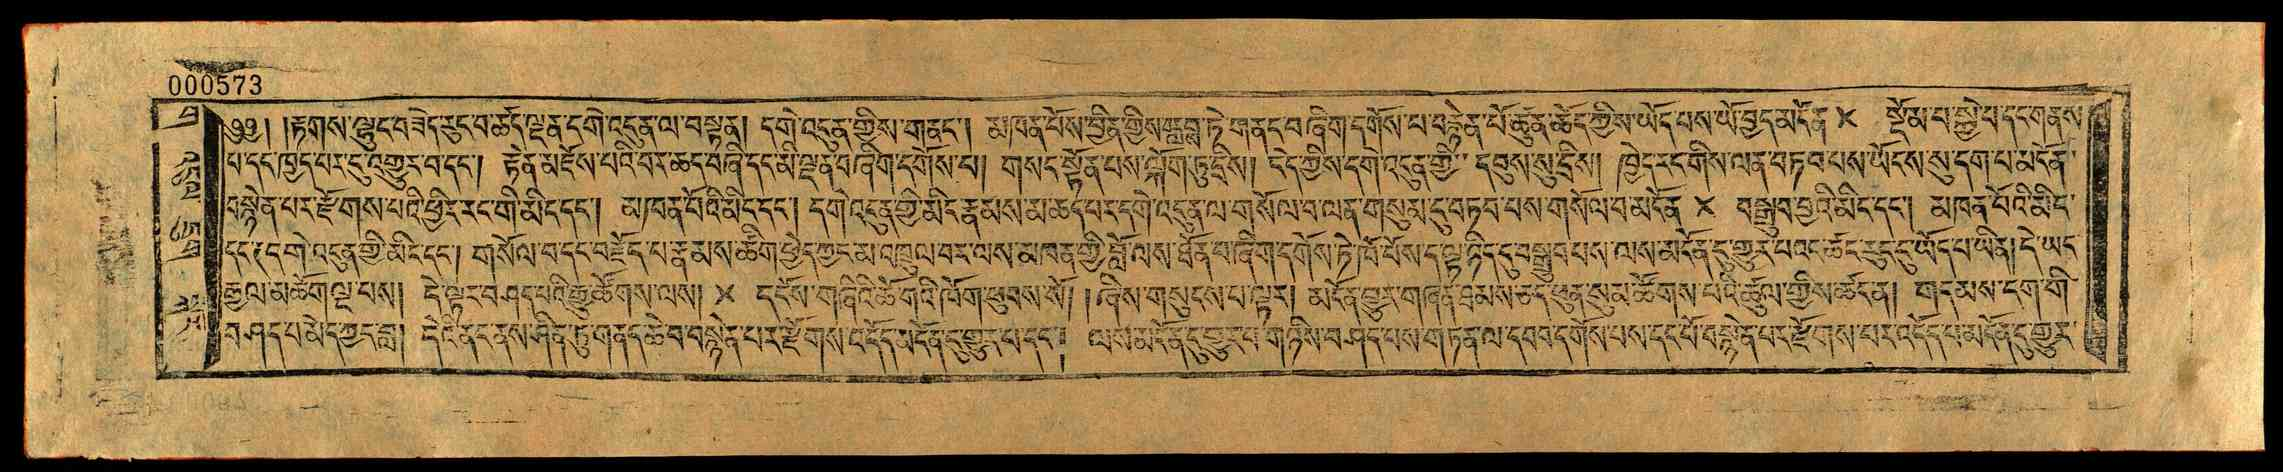༄༅། །རྟགས་ལྷུང་བཟེད་རུང་བ་ཚད་ལྡན་དགེ་འདུན་ལ་བསྟན། དགེ་འདུན་གྱིས་གནང་། མཁན་པོས་བྱིན་གྱིས་བསླབས་ཏེ་གནང་བ་ཞིག་དགོས་པ་བརྙན་པོ་ཚུན་ཆོད་ཀྱིས་ཡོད་པས་ཡོ་བྱད་མངོན་྾་སྡོམ་པ་སྐྱེ་བ་དང་གནས་
པ་དང་ཁྱད་པར་དུ་འགྱུར་བ་དང་། རྟེན་མཛེས་པའི་བར་ཆད་བཞི་དད་མི་ལྡན་པ་ཞིག་དགོས་པ། གསང་སྟོན་པས་ལྐོག་ཏུ་དྲིས། ངེད་ཀྱིས་དགེ་འདུན་གྱི་དབུས་སུ་དྲིས། ཁྱེད་རང་གིས་ལན་བཏབ་པས་ཡོངས་སུ་དག་པ་མངོན་྾་
བསྙེན་པར་རྫོགས་པའི་ཕྱིར་རང་གི་མིང་དང་། མཁན་པོའི་མིང་དང་། དགེ་འདུན་གྱི་མིང་རྣམས་མ་ཆད་པར་དགེ་འདུན་ལ་གསོལ་བ་ལན་གསུམ་དུ་བཏབ་པས་གསོལ་བ་མངོན་྾་བསྒྲུབ་བྱའི་མིང་དང་། མཁན་པོའི་མིང་
དང་། དགེ་འདུན་གྱི་མིང་དང་། གསོལ་པ་དང་བརྗོད་པ་རྣམས་ཚིག་ཕྱེད་ཀྱང་མ་འཁྲུལ་བར་ལས་མཁན་གྱི་བློ་ལས་ཐོན་པ་ཞིག་དགོས་ཏེ་ཁོ་བོས་ད་ལྟ་ཉིད་དུ་བསྒྲུབ་པས་ལས་མངོན་དུ་གྱུར་པའང་ཚར་རུང་དུ་ཡོད་པ་ཡིན། དེ་ཡང་
རྒྱལ་མཆོག་སྔ་པས། དེ་ལྟར་བཤད་པའི་ཚོགས་ལས། ྾་དངོས་ག྾ཧིའི་ཆོ་གའི་ཁོག་ཕུབས་སོ། །ཞེས་གསུངས་པ་ལྟར། མངོན་གྱུར་གཞན་ཐམས་ཅད་ཕུན་སུམ་ཚོགས་པའི་ཚུལ་གྱིས་ཚང་ན། གདམས་ངག་གི་
བཤད་པ་མེད་ཀྱང་བླ། དེའི་ནང་ནས་ཤིན་ཏུ་གནད་ཆེ་བ་བསྙེན་བར་རྗོགས་འདོད་མངོན་དུ་གྱུར་པ་དང་། ལས་མངོན་དུ་གྱུར་པ་གཉིས་བཤད་པས་གཏན་ལ་དབབ་དགོས་པས་དང་པོ་བསྙེན་པར་རྫོགས་པར་འདོད་པ་མངོན་དུ་གྱུར་